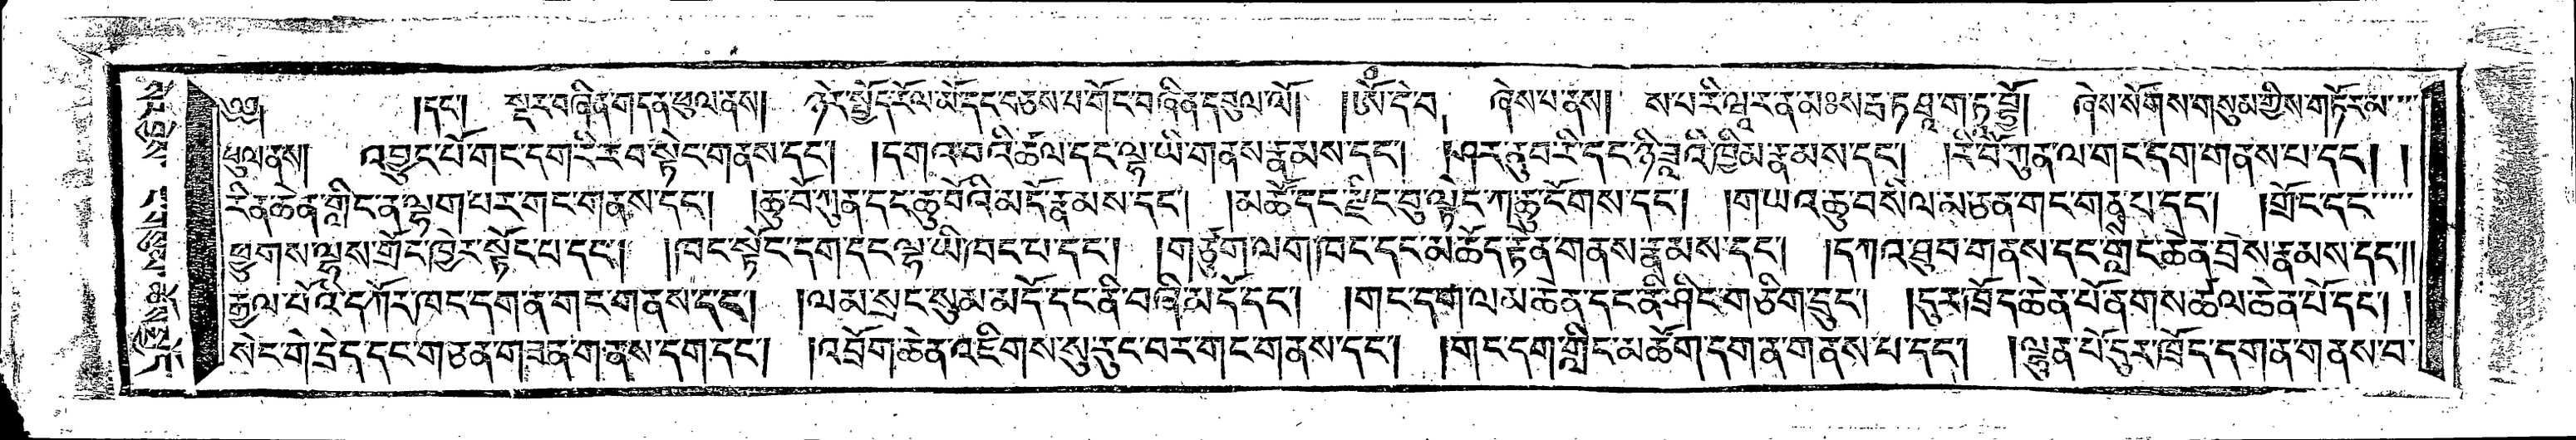༄༅། །དང་། སྔར་བཞིན་གདན་ཕུལ་ནས། ཉེར་སྤྱོད་རོལ་མོ་དང་བཅས་པ་གོང་བཞིན་དབུལ་ལོ། །ཨོཾ་དེ་བ། ཞེས་པ་ནས། ས་པ་རི་ཝཱ་ར་ན་མཿ སརྦ་ཏ་ཐཱ་ག་ཏཱ་བྷྱོ། ཞེས་སོགས་གསུམ་གྱིས་གཏོར་མ་
ཕུལ་ནས། འབྱུང་པོ་གང་དག་རི་རབ་སྟེང་གནས་དང་། །དགའ་བའི་ཚལ་དང་ལྷ་ཡི་གནས་རྣམས་དང་། །ཤར་ནུབ་རི་དང་ཉི་ཟླའི་ཁྱིམ་རྣམས་དང་། །རི་བོ་ཀུན་ལ་གང་དག་གནས་པ་དང་། །
རིན་ཆེན་གླིང་ན་ལྷག་པར་གང་གནས་དང་། །ཆུ་བོ་ཀུན་དང་ཆུ་བོའི་མདོ་རྣམས་དང་། །མཚོ་དང་རྫིང་བུ་ལྟེང་ཀ་ཆུ་དོགས་དང་། །གཡའ་ཆུ་བསིལ་མ་ཅན་གང་གནས་པ་དང་། །གྲོང་དང་
ཕྱུགས་ལྷས་གྲོང་ཁྱེར་སྟོང་པ་དང་། །ཁང་སྟོང་དག་དང་ལྷ་ཡི་ཁང་པ་དང་། །གཙུག་ལག་ཁང་དང་མཆོད་རྟེན་གནས་རྣམས་དང་། །དཀའ་ཐུབ་གནས་དང་གླང་ཆེན་བྲེས་རྣམས་དང་། །
རྒྱལ་པོའི་དཀོར་ཁང་དག་ན་གང་གནས་དང་། །ལམ་སྲང་སུམ་མདོ་དང་ནི་བཞི་མདོ་དང་། །གང་དག་ལམ་ཆེན་དང་ནི་ཤིང་གཅིག་དྲུང་། །དུར་ཁྲོད་ཆེན་པོ་ནགས་ཚལ་ཆེན་པོ་དང་། །
སེང་གེ་དྲེད་དང་གཅན་གཟན་གནས་དག་དང་། །འབྲོག་ཆེན་འཇིགས་སུ་རུང་བར་གང་གནས་དང་། །གང་དག་གླིང་མཚོག་དག་ན་གནས་པ་དང་། །ལྷུན་པོ་དུར་ཁྲོད་དག་ན་གནས་བ་